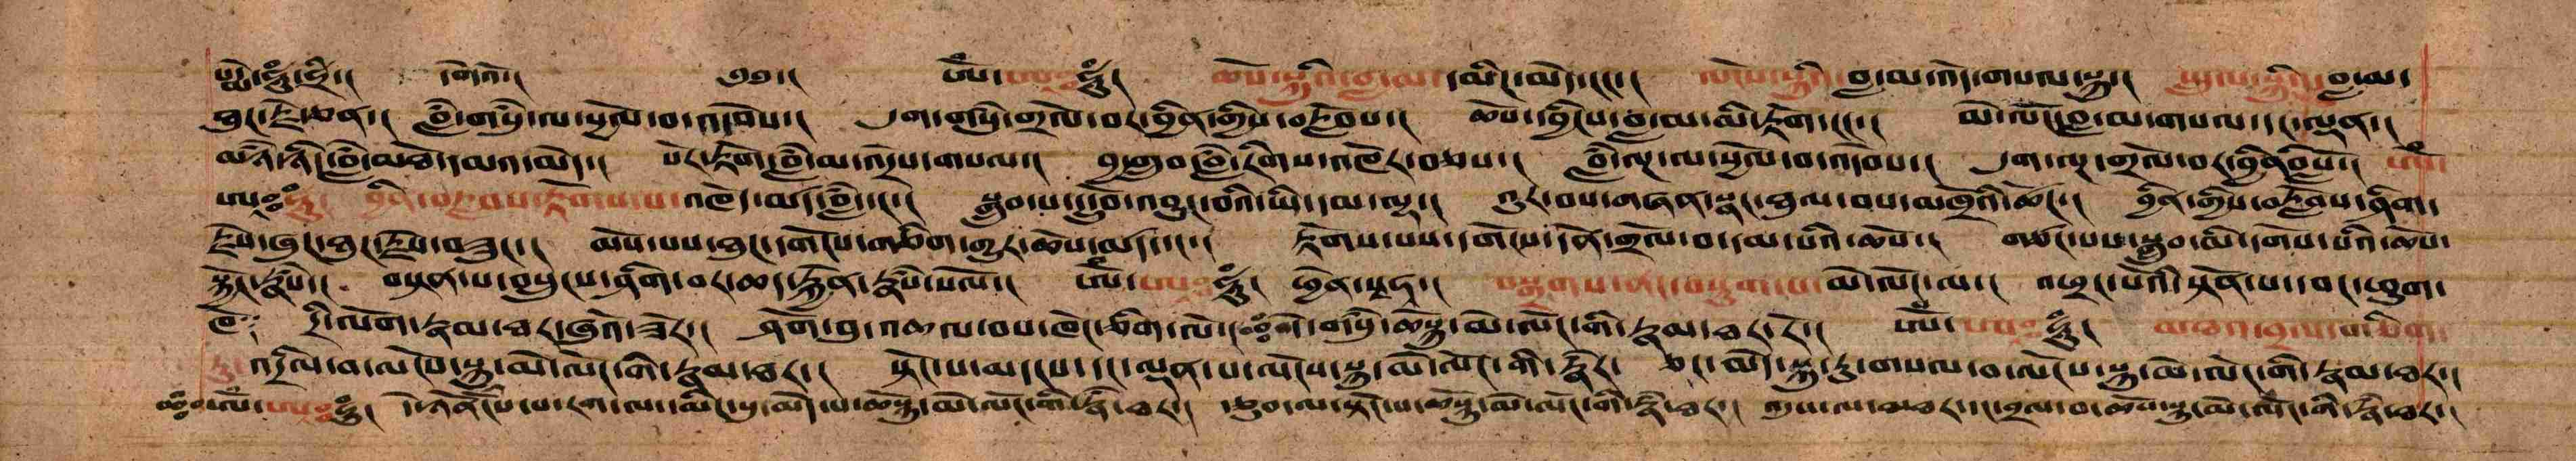པདྨེ་ཧཱུཾ་ཧྲི། དགེའོ།༄༅་། ཨོཾ་ཨཿཧཱུཾ། ཆོས་སྐུའི་བླ་མ་དམིགས་མེད་ངང་། ལོངས་སྐུའི་བླ་མ་འོད་གསལ་སྐུ། སྤྲུལ་སྐུའི་བླ་མ་
ཐུགས་རྗེ་ཅན། བླ་མ་གསུམ་ལ་གསོལ་བ་འདེབས། དུས་གསུམ་གྲོལ་བར་བྱིན་གྱིས་བརློབས། ཆོས་དབྱིངས་བླ་མ་མི་རྟོག་ངང་། མེ་ལོང་བླ་མ་གསལ་དང་ལྡན། 
མཉམ་ཉིད་བླ་མ་མཐོ་དམན་མེད། སོར་རྟོག་བླ་མ་མ་འདྲེས་གསལ། བྱ་གྲུབ་བླ་མ་རིགས་འཁོར་བཅས། བླ་མ་ལྔ་ལ་གསོལ་བ་འདེབས། དུས་ལྔ་གྲོལ་བར་བྱིན་གྱིས་བརློབས། ཨོཾ་
ཨཿཧཱུཾ། བྱིན་བརླབས་རྟོགས་པ་འཁོད་མཛད་བླ་མ་དང་། སྒྲུབ་པ་དངོས་གྲུབ་འབྱུང་བའི་ཡི་དམ་ལྷ། འུར་བས་གཞན་སྣང་ཐུལ་བས་མཁྲོའི་ཚོགས། བྱིན་གྱིས་བརློབས་ཤིག་
རྗེས་ཞུགས་ཐུགས་རྗེས་བཟུང་། མོས་པས་ཐུགས་དགོངས་གཅིག་གྱུར་ཆོས་མཛད་དང་། རྟོགས་པས་དགོངས་དོན་གྲོལ་བ་དམ་པའི་ཆོས། གཙང་པས་སྒྲུབ་མི་དགོས་པའི་ཆོས་
སྐྱོང་རྣམས། བསྟན་པ་བསྲུངས་ཤིག་བར་ཆད་རྐྱེན་རྣམས་སེལ། ཨོཾ་ཨཿཧཱུཾ། ཕྱེན་སྭཧཱ། བསྒྲགས་ནང་བསྡུག་པ་མེ་ལོང་ལ། འཕྲང་པོའི་སྟོན་པ་དབང་ཕྱུག་
ཁོ༑ དྲི་ལོག་རྣམ་ཐར་ཞུའོ་ཟོར། ཤོག་བུ་འཆལ་བས་ཁོང་ཅིག་ལེ་། ཨོཾ་ཨཿཧཱུཾ། དེ་ཉོན་མོངས་པ་རག་ལ་དམིགས་སུ་མེད་པ་ཆོས་སྐུ་མེ་ལོང་གི་རྣམ་ཐར་། 
ཏུ་འདྲེལ་བ་ལ་སྟོང་པ་ཆོས་སྐུ་མེ་ལོང་གི་རྣམ་ཐར། འདུས་ལ་མཐར་དང་བྲལ་བ་ཆོས་སྐུ་མེ་ལོང་གི་རྣམ་ཐར། དེ་གསུམ་ཆོས་སྐུ་མེ་ལོང་གི་རྣམ་ཐར་རོ། 
ཨོཾ་ཨཿཧཱུཾ། མཐའ་བྲལ་གཅིག་ཏུ་འདྲིལ་བ་ལོངས་སྐུ་མེ་ལོང་གི་རྣལ་ཐར། སྟོང་པ་མདངས་དང་ལྡན་པ་ལོངས་སྐུ་མེ་ལོང་གི་རྣམ་པར། ཅང་མེད་སྐུ་རུ་གསལ་བ་ལོངས་སྐུ་མེ་ལོང་གི་རྣམ་ཐར།